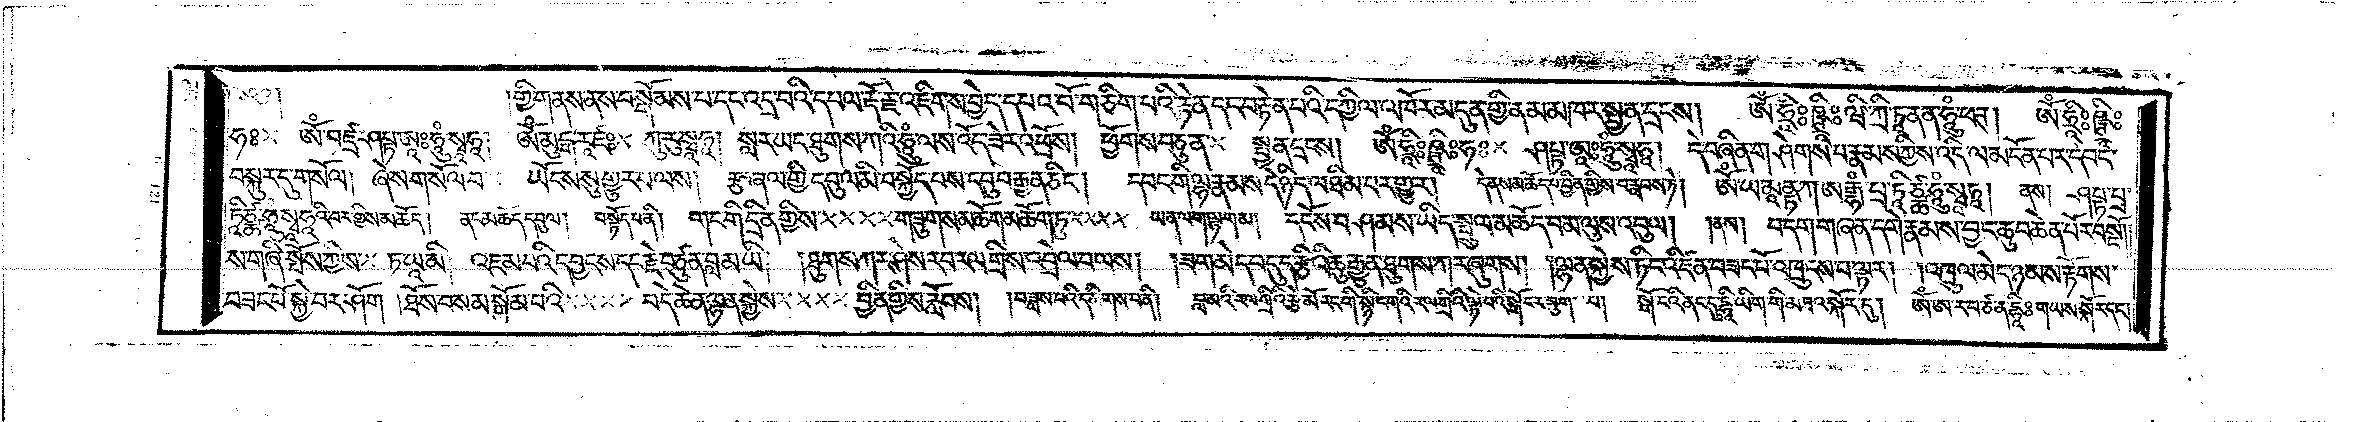༄༅། །གྱི་གནས་ནས་བསྒོམས་པ་དང་འདྲ་བའི་དཔལ་རྡོ་རྗེ་འཇིགས་བྱེད་དཔའ་བོ་གཅིག་པའི་རྟེན་དང་བརྟེན་པའི་དཀྱིལ་འཁོར་མདུན་གྱི་ནམ་མཁར་སྤྱན་དྲངས། ཨོཾ་ཧྲཱིཿཥྚྲཱིཿཝི་ཀྲི་ཏཱ་ནན་ཧཱུཾ་ཕཊ། ཨོཾ་ཧྲཱིཿཥྚྲཱིཿ
ཧཿ྾་ཨོཾ་བཛྲ་ཤཔྟ་ཨཱཿཧཱུཾ་སྭཱཧཱ། ཨོཾ་མུངྒ་རཱཛཿ ྾་ཀུརུ་སྭཱཧཱ། སླར་ཡང་ཐུགས་ཀའི་ཧཱུཾ་ལས་འོད་ཟེར་འཕྲོས། ཕྱོགས་བཅུ་ན་྾་སྤྱན་དྲངས། ཨོཾ་ཧྲཱིཿཥྚྲཱིཿཧཿ྾་ཤཔྟ་ཨཱཿཧཱུཾ་སྭཱཧཱ། དེ་བཞིན་གཤེགས་པ་རྣམས་ཀྱིས་འདི་ལ་མངོན་པར་དབང་
བསྐུར་དུ་གསོལ། ཞེས་གསོལ་བ་྾་ཡོངས་སུ་གྱུར་པ་ལས། རྩ་ཞལ་གྱི་དབུལ་མི་བསྐྱོད་བས་དབུ་བརྒྱན་ཅིང་། དབང་གི་ལྷ་རྣམས་དེ་ཉིད་ལ་ཐིམ་པར་གྱུར། དེ་ནས་མཆོད་པ་བྱིན་གྱིས་བརླབས་ཏེ།  ཨོཾ་ཡ་མཱནྟ་ཀ་ཨརྒྷཾ་པྲ་ཏཱི་ཙྪ་ཧཱུཾ་སྭཱཧཱ། ནས། ཤཔྟ་པྲ་
ཏཱིཙྪ་ཧཱུཾ་སྭཱཧཱའི་བར་གྱིས་མཆོད། ནང་མཆོད་དབུལ། བསྟོད་པ་ནི། གང་གི་དྲིན་གྱིས་྾་྾་྾་྾་གཟུགས་མཆོག་མཆོག་ཏུ་྾་྾་྾་྾་ཡན་ལག་ལྷག་མ།  དངོས་བཤམས་ཡིད་སྤྲུལ་མཆོད་བམ་ལུས་འབུལ། །ནས།  བདག་གཞན་དགེ་རྣམས་བྱང་ཆུབ་ཆེན་པོར་བསྔོ།།
ས་གཞི་སྤོས་ཀྱིས་྾་ཏ་ཡཱ་མི། འཇམ་པའི་དབྱངས་དང་རྗེ་བཙུན་བླ་མ་ཡི། །ཐུགས་ཀར་ཤེས་རབ་རལ་གྲིས་འབྲེལ་བ་ལས། །ཟག་མེད་བདུད་རྩིའི་ཆུ་རྒྱུན་ཐུགས་ཀར་ཞུགས། །ལྷན་སྐྱེས་ཏིང་འཛིན་བཟང་པོ་འཁྲུངས་པ་ལྟར། །འཁྲུལ་མེད་ཉམས་རྟོགས་
བཟང་པོ་སྐྱེ་བར་ཤོག །ཐོས་བསམ་སྒོམ་པའི་྾་྾་྾་྾་བདེ་ཆེན་ལྷན་སྐྱེས་྾་྾་྾་྾་བྱིན་གྱིས་རློབས། །བཟླས་པའི་དམིགས་པ་ནི། བླ་མའི་རལ་གྲིའི་རྩེ་མོ་རང་གི་སྙིང་གའི་རལ་གྲིའི་ལྟེ་བའི་སྒོ་ངར་ཟུག་པ། སྒོ་ངའི་ནང་དུ་དྷཱི་ཡིག་གི་མཐའ་སྐོར་དུ། ཨོཾ་ཨ་ར་པ་ཙ་ན་དྷཱིཿགཡས་སྐོར་དང་